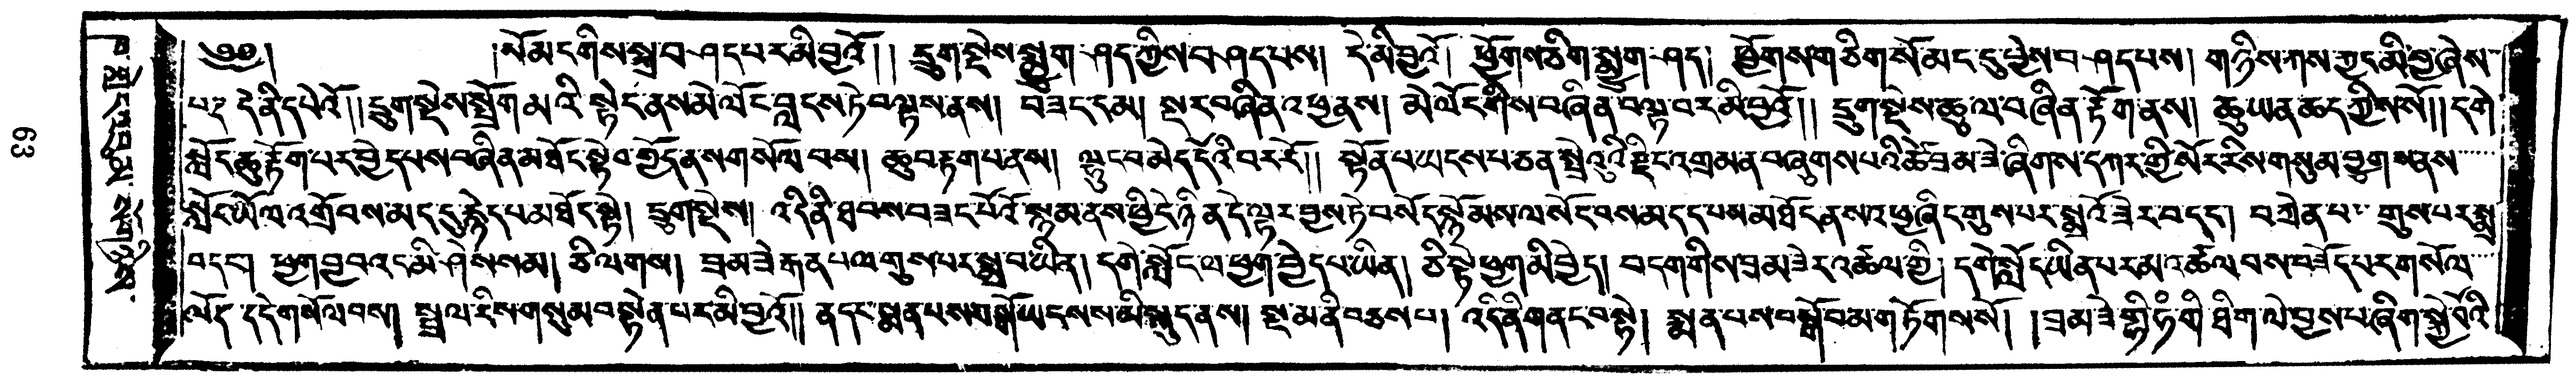༄༅། །སོ་མང་གིས་སྐྲ་བཤད་པར་མི་བྱའོ། །དྲུག་སྡེས་སྨྱུག་ཤད་ཀྱིས་བཤད་པས། དེ་མི་བྱའོ། ཕྱོགས་ཅིག་སྨྱུག་ཤད། ཕྱོགས་གཅིག་སོ་མང་དུ་བྱེས་བཤད་པས། གཉིས་ཀས་ཀྱང་མི་བྱ་ཞེས་
པ༑ དེ་ནི་དཔེའོ། །དྲུག་སྡེས་སྤྲོག་མའི་སྟེང་ནས་མེ་ལོང་བླངས་ཏེ་བལྟས་ནས། བཟང་ངམ། སྔར་བཞིན་འཕྱ་ནས། མེ་ལོང་གིས་བཞིན་བལྟ་བར་མི་བྱའོ། །དྲུག་སྡེས་ཆུ་ལ་བཞིན་རྟོག་ནས། ཆུ་ཡན་ཆད་ཀྱིས་སོ། །དགེ་
སློང་ཆུ་རྟོག་པར་བྱེད་པས་བཞིན་མཐོང་སྟེ་བ་གྱོད་ནས་གསོལ་བས། ཆུ་བརྟག་པ་ནས། ལྟུང་བ་མེད་དོའི་བར་རོ། །སྟོན་པ་ཡངས་པ་ཅན་སྤྲེའུའི་རྫིང་འགྲམ་ན་བཞུགས་པའི་ཚེ་བྲམ་ཟེ་ཞིགས་དཀར་གྱི་སོར་རིས་གསུམ་བྱུགས་ནས་
སློང་ཡོལ་འགྲོ་བས་མང་དུ་རྙེད་པ་མཐོང་སྟེ། དྲུག་སྡེས། འདི་ནི་ཐབས་བཟང་པོའོ་སྙམ་ནས་ཕྱི་དེ་ཉིན་དེ་ལྟར་བྱས་ཏེ་བསོད་སྙོམས་ལ་སོང་བས་མ་དད་པས་མཐོང་ནས་འཕྱ་ཞིང་གུས་པར་སྨྲའོ་ཟེར་བ་དང་། བཀྲེན་པ་གུས་པར་སྨྲ་
བ་དང་། ཕྱག་བྱ་བའང་མི་ཤེས་སམ། ཅི་ལགས། །བྲམ་ཟེ་རྒན་པ་ལ་གུས་པར་སྨྲ་བ་ཡིན། དགེ་སློང་ལ་ཕྱག་བྱེད་པ་ཡིན། ཅི་སྟེ་ཕྱག་མི་བྱེད། བདག་གིས་བྲམ་ཟེར་འཚལ་གྱི། དགེ་སློང་ཡིན་པར་མ་འཚལ་བས་བཟོད་པར་གསོལ་
ལོ༑ ༑དེ་གསོལ་བས། སྤྲལ་རིས་གསུམ་བསྟེན་པར་མི་བྱའོ། །ན་དང་སྨན་པས་བསྒོ་ཡངས་ས་མི་སྐུད་ནས། སྔ་མ་ནི་བཅས་པ། འདི་ནི་གནང་བ་སྟེ། སྨན་པས་བསྒོ་བ་མ་གཏོགས་སོ། །བྲམ་ཟེ་གྷི་ཧཾ་གི་ཐིག་ལེ་བྱས་པ་ཞིག་སྐྱེ་བོའི་